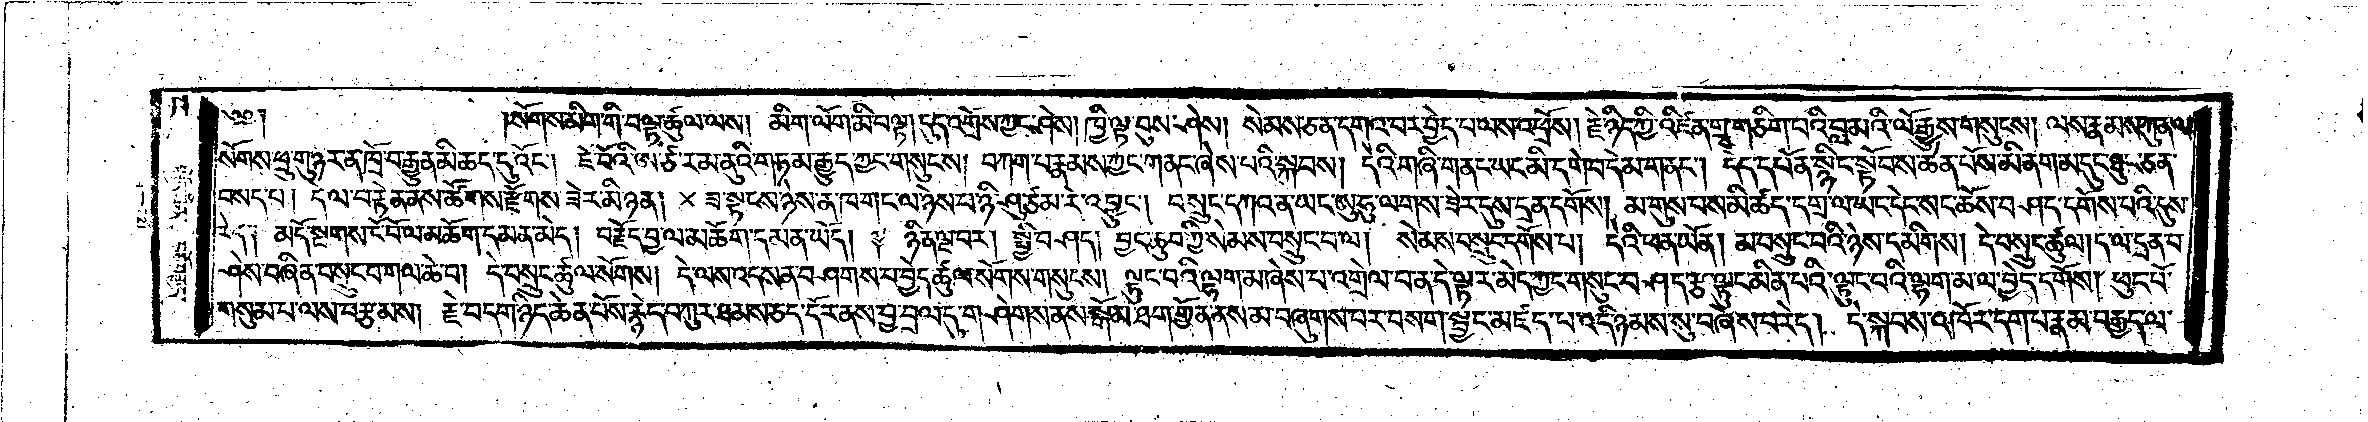༄༅། །སོགས་མིག་གི་བལྟ་ཚུལ་ལས༑ མིག་ལོག་མི་བལྟ། དུད་འགྲེས་ཀྱང་ཤེས། ཁྱི་ལྟ་བུས་ཤེས། སེམས་ཅན་དགའ་བར་བྱེད་པ་ལས་འཕྲོས། རྗེ་ཉིད་ཀྱི་འཛིན་གྲྭ་གཅིག་པའི་བླ་མའི་ལོ་རྒྱུས་གསུངས། ལས་རྣམས་ཀུན་ལ་
སོགས་ཕྲུ་གུ་ཉར་མ་ཁྲོ་བ་རྒྱུན་མི་ཆད་དུ་འོང་། ཇོ་བོའི་ཨ་ཙ་ར་མ་ནུའི་གཏམ་རྒྱུད་ཀྱང་གསུངས། བཀག་པ་རྣམས་ཀྱང་གནང་ཞེས་པའི་སྐབས། དེའི་གཞི་གནང་ཡང་མི་དགེ་བ་དེ་མ་གནང་། དད་དཔོན་སྙིང་སྟོབས་ཆེན་པོས་མིན་ག་མདུང་ཐུང་ཅན་
བསད་པ། དེ་ལ་བརྟེན་ནས་ཚོགས་རྫོགས་ཟེར་མི་ཉན། ྾་ཟ་སྟངས་ཉེས་ན་ཁ་གང་ལ་ཉེས་པ་ཉི་ཤུ་ཙམ་རེ་འབྱུང་། བསྲུང་དཀའ་ན་ཡང་ཨུཧུ་ལགས་ཟེར་དུས་དྲན་དགོས། མ་གུས་པས་མི་ཚད་དགྲ་ལ་ཡང་དེང་སང་ཆོས་བཤད་དགོས་པའི་དུས་
རེད༑ མདོ་སྔགས་ངོ་བོ་ལ་མཆོག་དམན་མེད། བརྗོད་བྱ་ལ་མཆོག་དམན་ཡོད། ༈ ཉིན་ལྔ་བར། སྤྱི་བཤད། བྱང་ཆུབ་ཀྱི་སེམས་བསྲུང་བ་ལ། སེམས་བསྲུང་དགོས་པ། དེའི་ཕན་ཡོན། མ་བསྲུང་བའི་ཉེས་དམིགས། དེ་བསྲུང་ཚུལ། ད་ལ་དྲན་པ་
ཤེས་བཞིན་བསྲུང་བ་གལ་ཆེ་བ། དེ་བསྲུང་ཚུལ་སོགས། དེ་ལས་འདས་ན་བཤགས་པ་བྱེད་ཚུལ་སོགས་གསུངས། ལྟུང་བའི་ལྷག་མ་ཞེས་པ་འགྲེལ་བ་ན་དེ་ལྟར་མེད་ཀྱང་གསུང་བཤད་རྩ་ལྟུང་མིན་པའི་ལྟུང་བའི་ལྷག་མ་ལ་བྱེད་དགོས། ཕུང་པོ་
གསུམ་པ་ལས་བརྩམས། རྗེ་བདག་ཉིད་ཆེན་པོས་རྙེད་བཀུར་ཐམས་ཅད་དོར་ནས་བྱ་བྲལ་དུ་གཤེགས་ནས་སྒོམ་ཐག་གྱོན་ནས་མ་བཞུགས་པར་བསག་སྦྱང་མཛད་པ་འདི་ཉམས་སུ་བཞེས་བ་རེད། དེ་སྐབས་འཁོར་དག་པ་རྣམ་བརྒྱད་ལ་